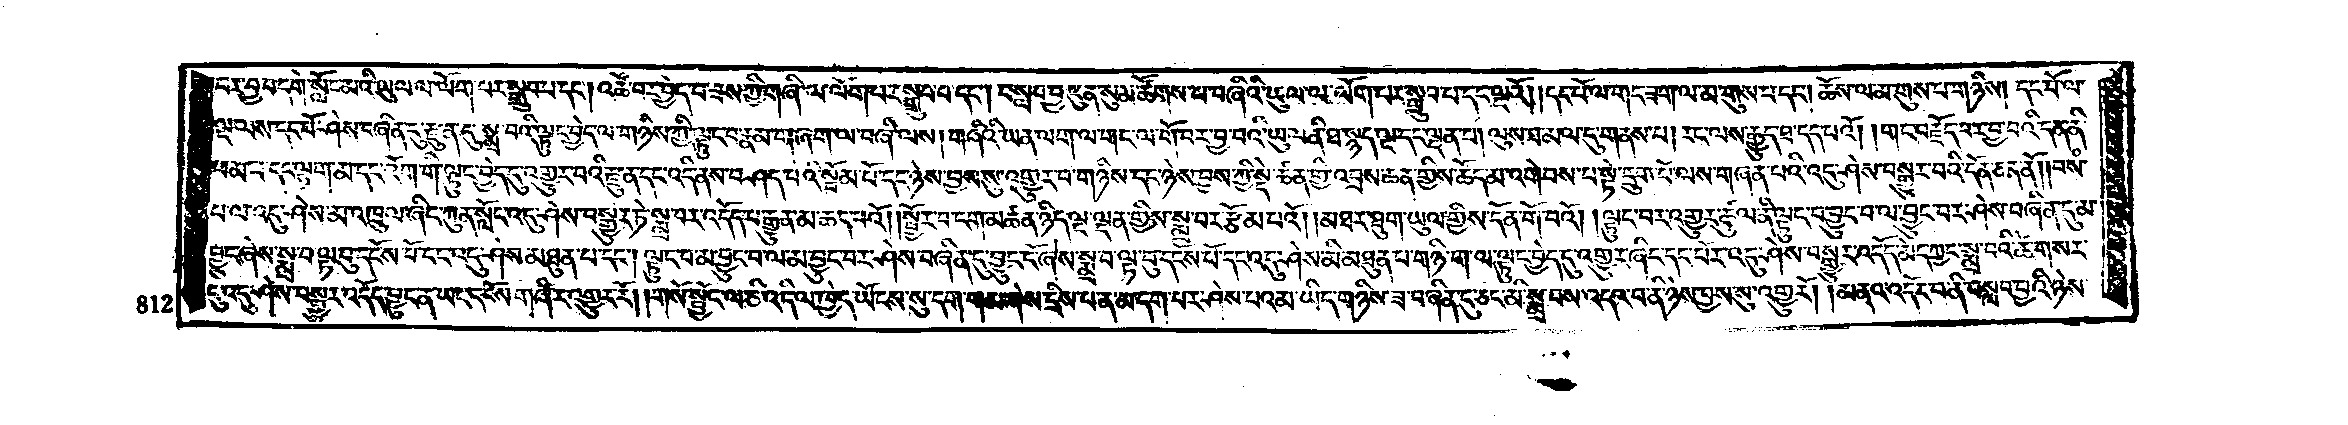པར་བྱ་བ་དགེ་སློང་མའི་ཡུལ་ལ་ལོག་པར་སྒྲུབ་པ་དང་། འཚོ་བར་བྱེད་པ་ཟས་ཀྱི་གཞི་ལ་ལོག་པར་སྒྲུབ་པ་དང་། བསླབ་བྱ་ཕུན་སུམ་ཚོགས་པ་བཞིའི་ཡུལ་ལ་ལོག་པར་སྒྲུབ་པ་དང་ལྔའོ། །དང་པོ་ལ་གང་ཟག་ལ་མ་གུས་པ་དང་། ཆོས་ལ་མ་གུས་པ་གཉིས། དང་པོ་ལ་
ལྔ་ལས་དང་པོ་ཤེས་བཞིན་དུ་རྫུན་དུ་སྨྲ་བའི་ལྟུང་བྱེད་ལ་གཉིས་ཀྱི་ལྟུང་བ་རྣམ་གཞག་ལ་བཞི་ལས། གཞིའི་ཡན་ལག་ལ་གང་ལ་གོ་བར་བྱ་བའི་ཡུལ་ནི་ཐ་སྙད་ལྔ་དང་ལྡན་པ། ལུས་ཐ་མལ་དུ་གནས་པ། རང་ལས་རྒྱུད་ཐ་དད་པའོ། །གང་བརྗོད་བར་བྱ་བའི་དན་ནི་
ཕམ་པ་དང་ལྷག་མ་དང་འོག་གི་ལྟུང་བྱེད་དུ་འགྱུར་བའི་རྫུན་དང་འདི་ནས་བཤད་པའི་སྦོམ་པོ་དང་ཉེས་བྱས་སུ་འགྱུར་བ་གཉིས་དང་ཉེས་བྱས་ཀྱི་སྡེ་ཚན་གྱི་འབྲས་ཆན་གྱིས་ཚོད་མ་འགེབས་པ་སྟེ་དྲུག་པོ་ལས་གཞན་པའི་འདུ་ཤེས་བསྒྱུར་བའི་དོན་ཅན་ནོ། །བསམ་
པ་ལ་འདུ་ཤེས་མ་འཁྲུལ་ཞིང་ཀུན་སློང་འདུ་ཤེས་བསྒྱུར་ཏེ་སྨྲ་བར་འདོད་པ་རྒྱུན་མ་ཆད་པའོ། །སྦྱོར་བ་ངག་མཚན་ཉིད་ལྔ་ལྡན་གྱིས་སྨྲ་བར་རྩོམ་པའོ། །མཐར་ཐུག་ཡུལ་གྱིས་དོན་གོ་བའོ། །ལྟུང་བར་འགྱུར་ཚུལ་ནི་ལྟུང་བ་བྱུང་བ་ལ་བྱུང་བར་ཤེས་བཞིན་དུ་མ་
བྱུང་ཞེས་སྨྲ་བ་ལྟ་བུ་དངོས་པོ་དང་འདུ་ཤེས་མཐུན་པ་དང་། ལྟུང་བ་མ་བྱུང་བ་ལ་མ་བྱུང་བར་ཤེས་བཞིན་དུ་བྱུང་ངོ་ཞེས་སྨྲ་བ་ལྟ་བུ་དངོས་པོ་དང་འདུ་ཤེས་མི་མཐུན་པ་གཉི་ག་ལ་ལྟུང་བྱེད་དུ་འགྱུར་ཞིང་དང་པོར་འདུ་ཤེས་བསྒྱུར་འདོད་མེད་ཀྱང་སྨྲ་བའི་ཚེ་གསར་
དུ་འདུ་ཤེས་བསྒྱུར་འདོད་བྱུང་ན་ཡང་དངོས་གཞིར་འགྱུར་རོ། །གསོ་སྦྱོར་ལ་ཅི་འདི་ལ་ཁྱེད་ཡོངས་སུ་དག་གམ་ཞེས་དྲིས་པ་ན་མ་དག་པར་ཤེས་པའམ་ཡིད་གཉིས་ཟ་བཞིན་དུ་ཙང་མི་སྨྲ་བས་འདའ་བ་ནི་ཉེས་བྱས་སུ་འགྱུར་རོ། །མནའ་འདོར་བ་ནི་བསླབ་བྱའི་ཉེས་